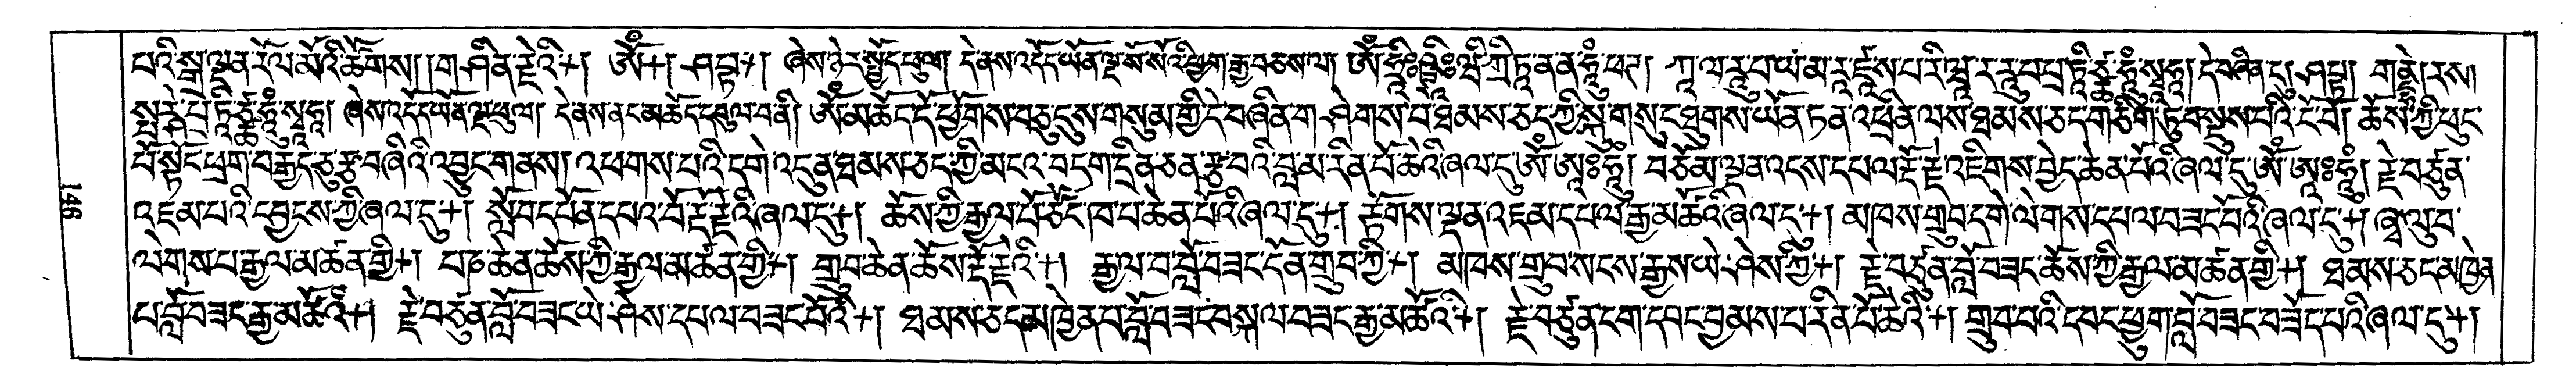པའི་སྒྲ་ལྡན་རོལ་མོའི་ཚོགས། །གཤིན་རྗེའི། ཨོཾ། ཤཔཏ། ཞེས་ཉེར་སྤྱོད་ཕུལ། དེ་ནས་འདོད་ཡོན་ལྔ་སོ་སོའི་ཕྱག་རྒྱ་བཅས་ལ། ཨོཾ་ཧྲཱིཿཥྚཱིཿ ཝི་ཀྲྀ་ཏཱ་ན་ན་ཧཱུཾ་ཕཊ། ཀཱ་ལ་རཱུ་པ་ཡ་མ་རཱ་ཛཱ་ས་པ་རི་ཝཱ་ར་རཱུ་པ་བྲ་ཏཱི་ཙྪ་ཧཱུཾ་སྭ་ཧཱ། དེ་བཞིན་དུ། ཤ་པྟ། གནྡེ། རས།
སྤ་རྵེ་པྲ་ཏཱི་ཙྪ་ཧཱུཾ་སྭ་ཧཱ། ཞེས་འདོད་ཡོན་ལྔ་ཕུལ། དེ་ནས་ནང་མཆོད་དབུལ་བ་ནི། ཨོཾ་མཆོད་དོ་ཕྱོགས་བཅུ་དུས་གསུམ་གྱི་དེ་བཞིན་གཤེགས་པ་ཐམས་ཅད་ཀྱི་སྐུ་གསུང་ཐུགས་ཡོན་ཏན་འཕྲིན་ལས་ཐམས་ཅད་གཅིག་ཏུ་བསྡུས་པའི་ངོ་བོ། །ཆོས་ཀྱི་ཕུང་
པོ་སྟོང་ཕྲག་བརྒྱད་ཅུ་རྩ་བཞིའི་འབྱུང་གནས། འཕགས་པའི་དགེ་འདུན་ཐམས་ཅད་ཀྱི་མངའ་བདག་དྲིན་ཅན་རྩ་བའི་བླ་མ་རིན་པོ་ཆེའི་ཞལ་དུ་ཨོཾ་ཨཱཿ ཧཱུཾ། བཅོམ་ལྡན་འདས་དཔལ་རྡོ་རྗེ་འཇིགས་བྱེད་ཆེན་པོའི་ཞལ་དུ་ཨོཾ་ཨཱཿ ཧཱུཾ། རྗེ་བཙུན་
འཇམ་པའི་དབྱངས་ཀྱི་ཞལ་དུ། སློབ་དཔོན་དཔའ་བོ་རྡོ་རྗེའི་ཞལ་དུ། ཆོས་ཀྱི་རྒྱལ་པོ་ཙོང་ཁ་པ་ཆེན་པོའི་ཞལ་དུ། རྟོགས་ལྡན་འཇམ་དཔལ་རྒྱ་མཚོའི་ཞལ་དུ། མཁས་གྲུབ་དགེ་ལེགས་དཔལ་བཟང་པོའི་ཞལ་དུ་ཤ་ཞྭ་ལུ་བ་
ལེགས་པ་རྒྱལ་མཚན་གྱི། པན་ཆེན་ཆོས་ཀྱི་རྒྱལ་མཚན་གྱི། གྲུབ་ཆེན་ཆོས་རྡོ་རྗེའི། རྒྱལ་བ་བློ་བཟང་དོན་གྲུབ་ཀྱི། མཁས་གྲུབ་སངས་རྒྱས་ཡེ་ཤེས་ཀྱི། རྗེ་བཙུན་བློ་བཟང་ཆོས་ཀྱི་རྒྱལ་མཚན་གྱི། ཐམས་ཅད་མཁྱེན་
པ་བློ་བཟང་རྒྱ་མཚོའི། རྗེ་བཙུན་བློ་བཟང་ཡེ་ཤེས་དཔལ་བཟང་པོའི། ཐམས་ཅད་མཁྱེན་པ་བློ་བཟང་བསྐལ་བཟང་རྒྱ་མཚོའི། རྗེ་བཙུན་ངག་དབང་བྱམས་པ་རིན་པོ་ཆེའི། གྲུབ་པའི་དབང་ཕྱུག་བློ་བཟང་བཟོད་པའི་ཞལ་དུ།